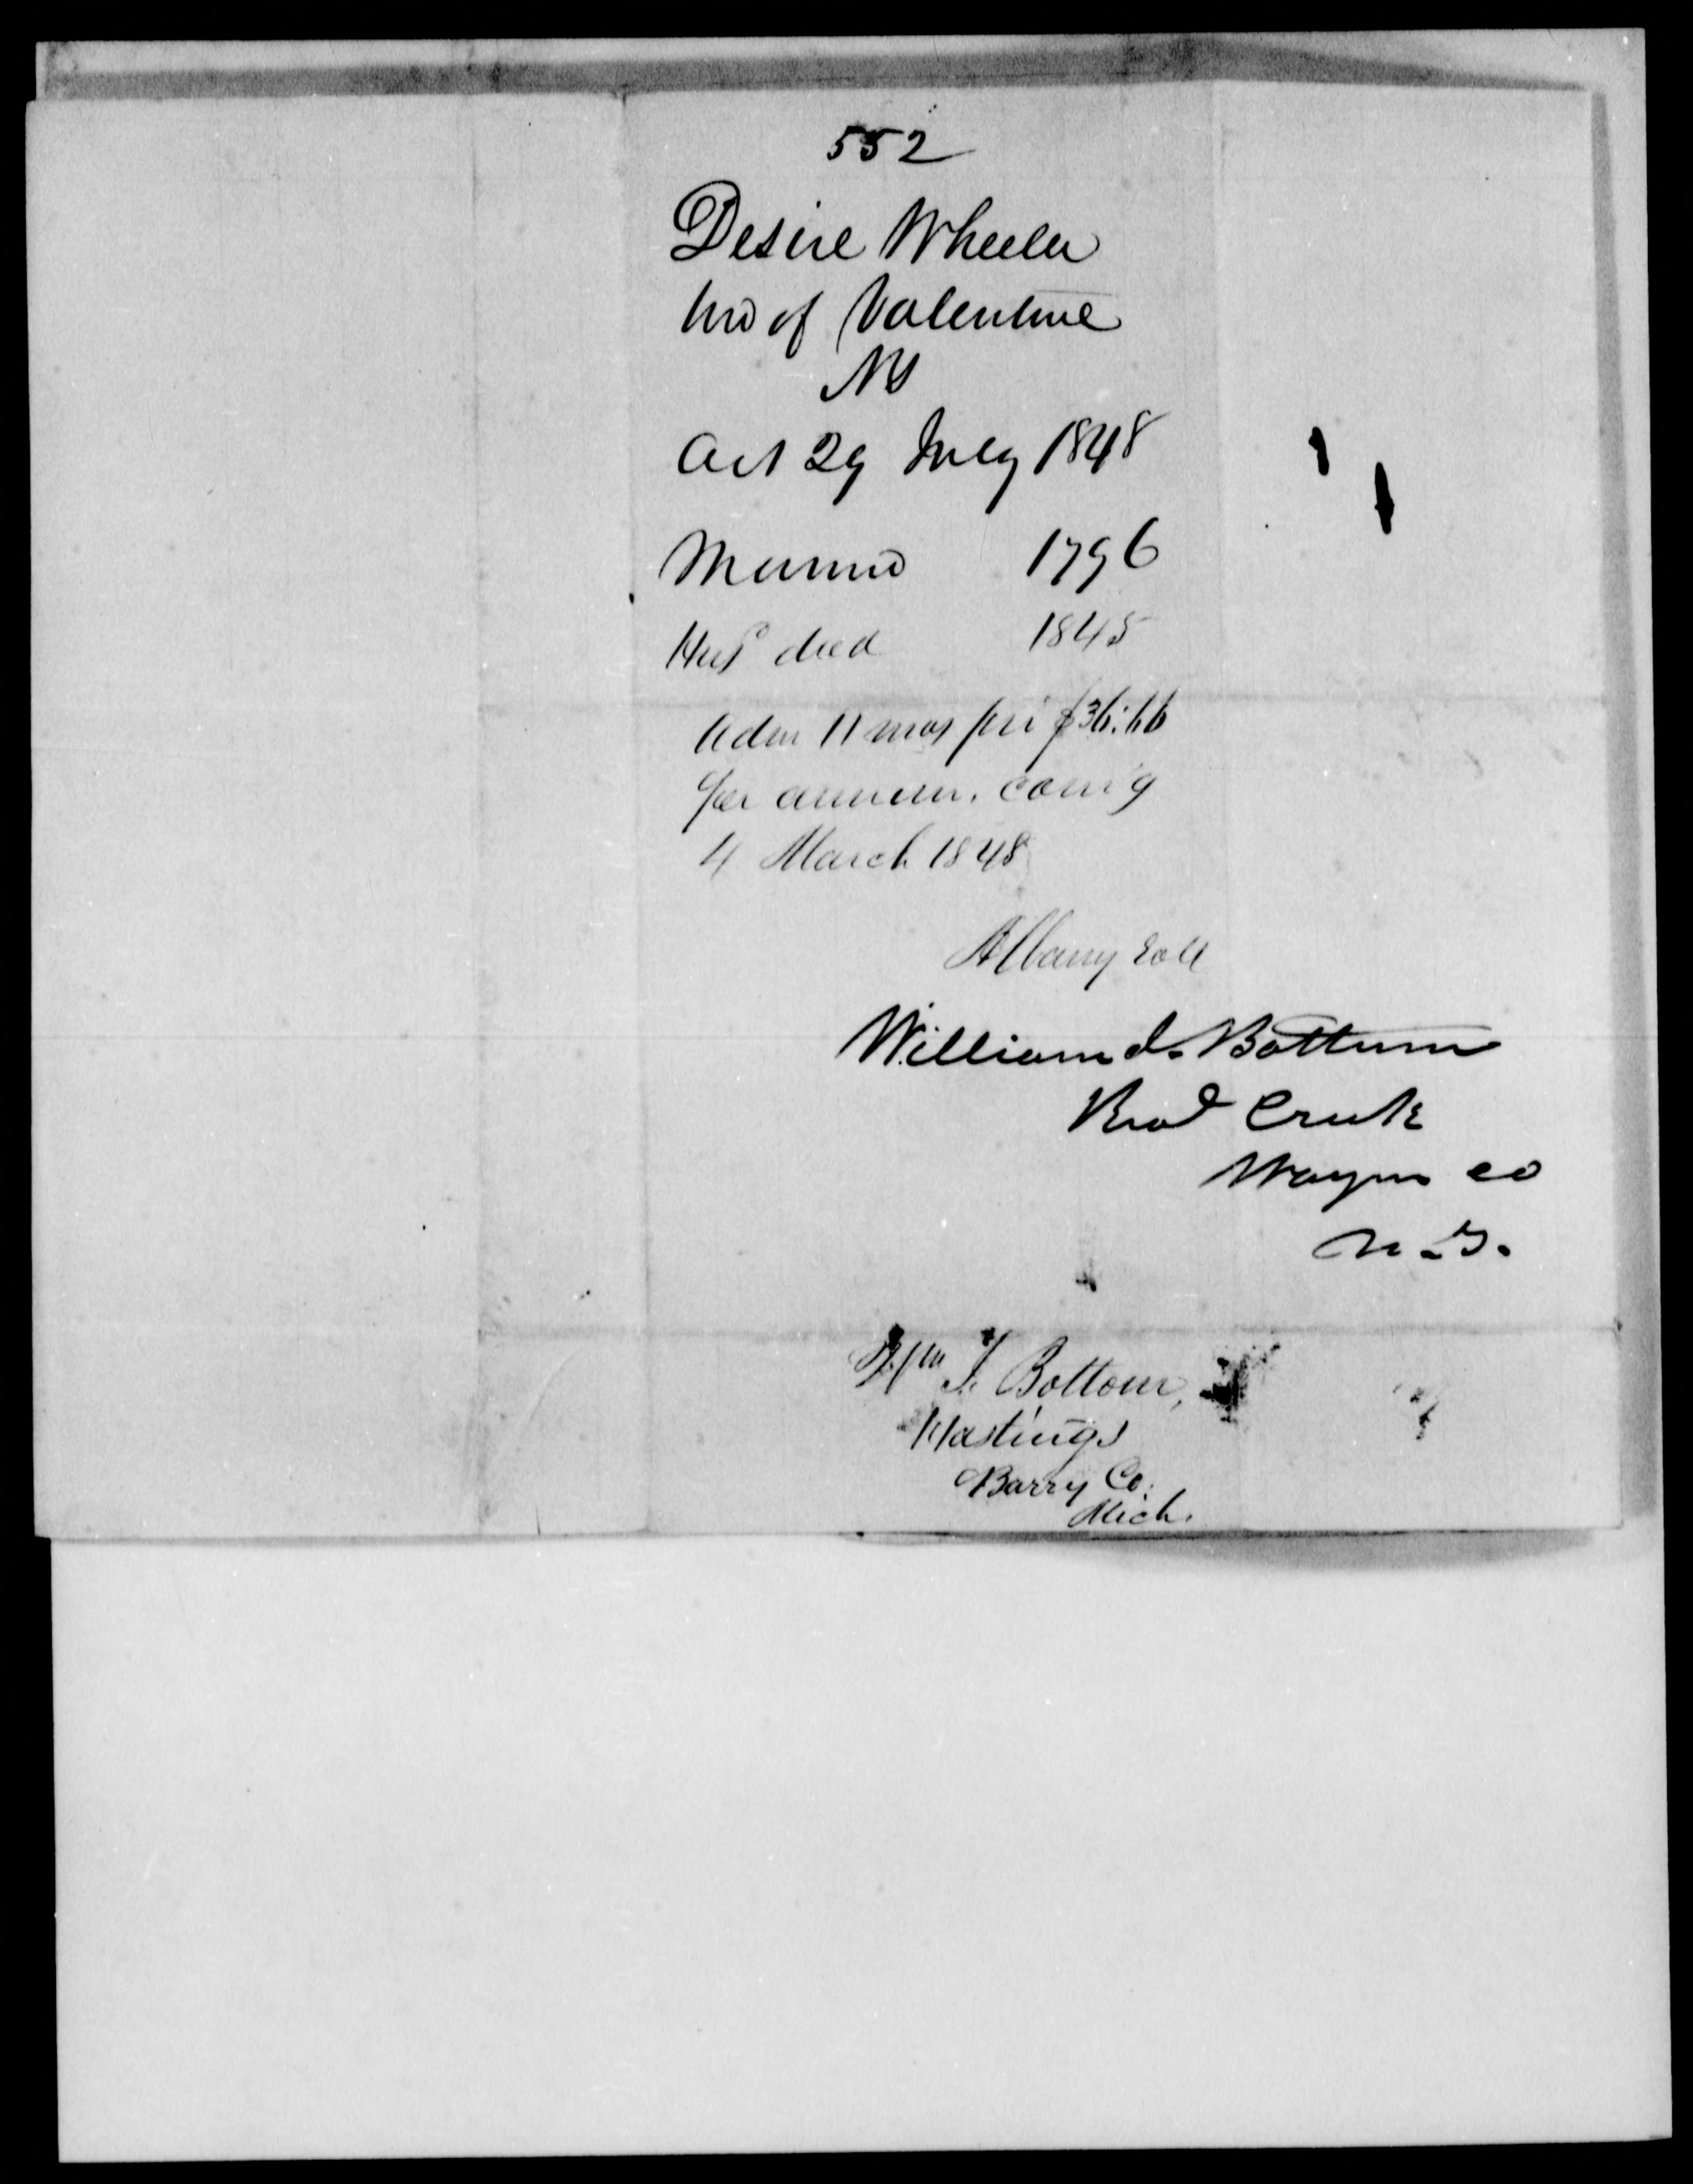552
Desire Wheeler
wid.of Valentine
NY
act 29 July 1848
married 1796
Husb. died 1845
Adm. 11 mos. pri $35.66 per annum com'g. 4 March 1848
Albany Roll

William J. Bottum
(illegible)
Wayne Co. N. Y.

Wm. J. Bottom
Hastings
Barry Co. Mich.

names: Desire Wheeler, William J Bottum, Valentine Wheeler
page: 15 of 98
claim: widow's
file: W. 1682, Valentine Wheeler, Mass.